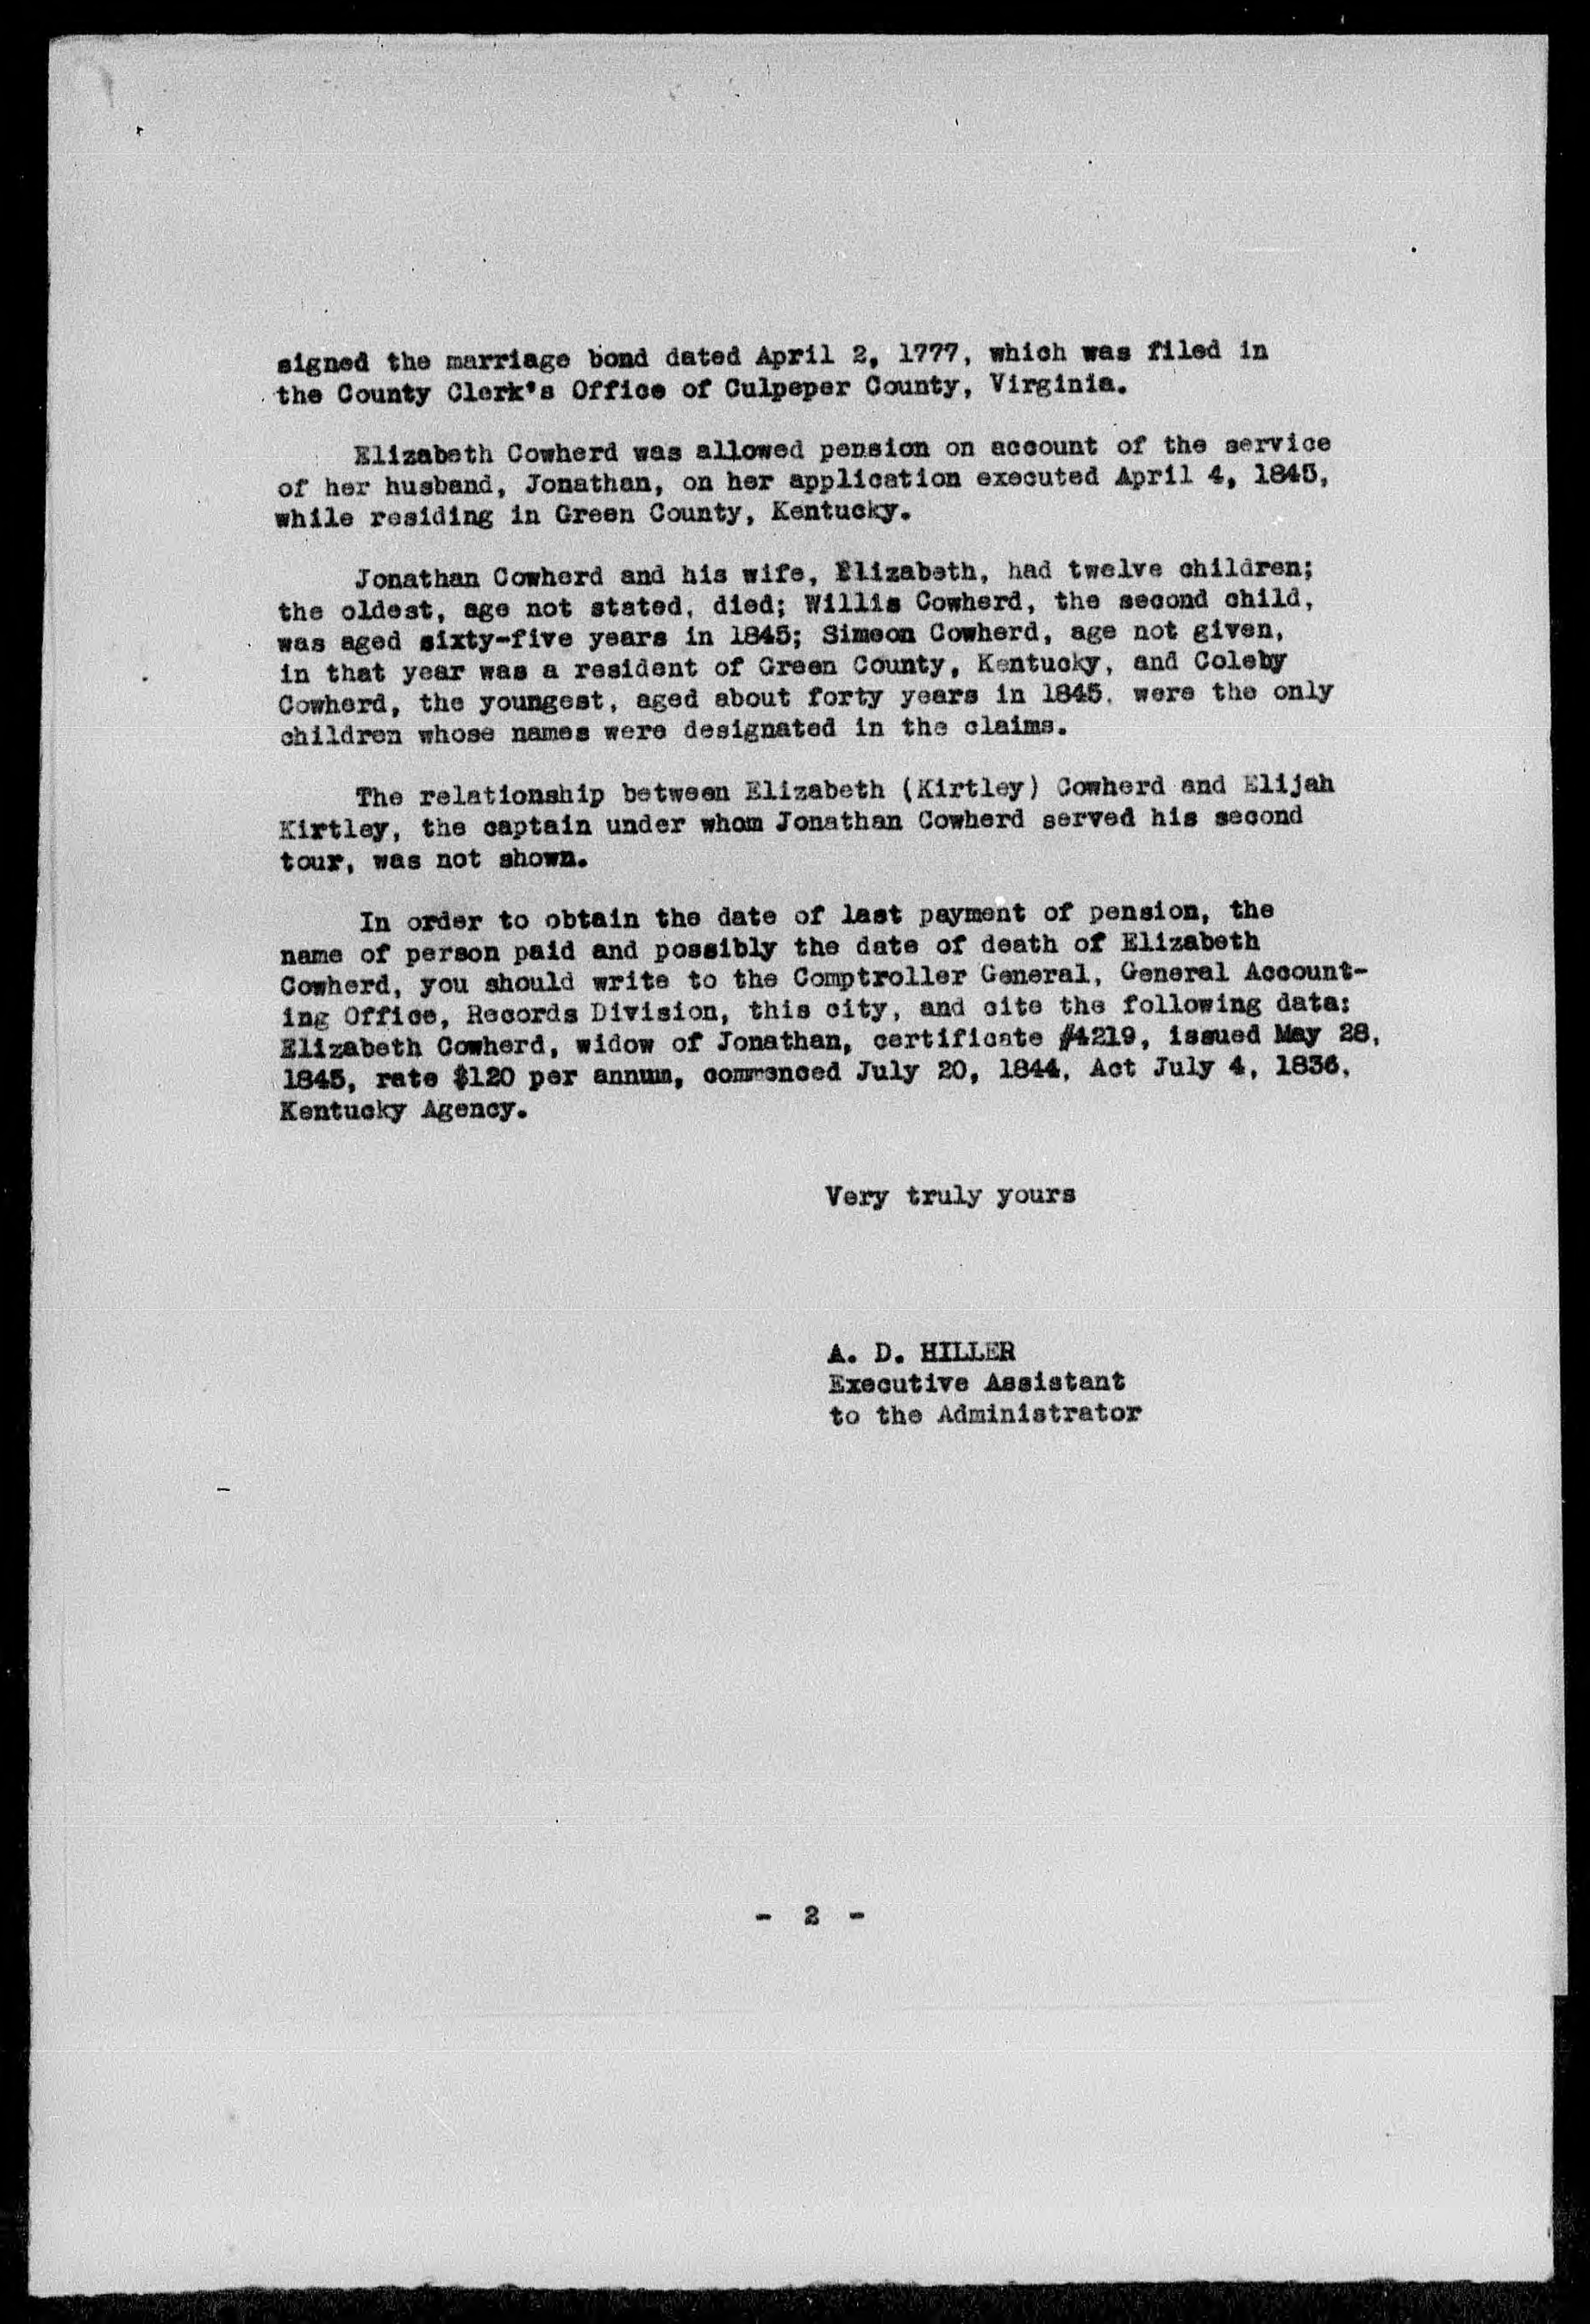signed the marriage bond dated April 2, 1777, which was filed in the County Clerk's Office of Culpeper County, Virginia.
Elizabeth Cowherd was allowed pension on account of the service of her husband, Jonathan, on her application executed April 4, 1845, while residing in Green County, Kentucky.
Jonathan Cowherd and his wife, Elizabeth, had twelve children; the oldest, age not stated, died; Willis Cowherd, the second child,
was aged sixty-five years in 1845; Simeon Cowherd, age not given, in that year was a resident of Green County, Kentucky, and Coleby Cowherd, the youngest, aged about forty years in 1845, were the only children whose names were designated in the claims.
The relationship between Elizabeth (Kirtley) Cowherd and Elijah Kirtley, the captain under whom Jonathan Cowherd served his second
tour, was not shown.
In order to obtain the date of last payment of pension, the name of person paid and possibly the date of death of Elizabeth Cowherd, you should write to the Comptroller General, General Accounting office, Records Division, this city, and cite the following data:
Elizabeth Cowherd, widow of Jonathan, certificate #4219, issued May 28, 1845, rate $120 per annum, commenced July 20, 1844, Act July 4, 1836, Kentucky Agency.

Very truly yours
A. D. HILLER
Executive Assistant to the Administrator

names: Elijah Kirtley, Elizabeth Cowherd, Jonathan, Jonathan, A D Hiller, Elizabeth Cowherd, Jonathan Cowherd, Elizabeth, Jonathan Cowherd, Willis Cowherd, Coleby Cowherd, Elizabeth Kirtley, Elizabeth Cowherd, Elizabeth Cowherd, Simeon Cowherd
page: 37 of 46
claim: widow's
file: W 8619, Jonathan Cowherd, Va.